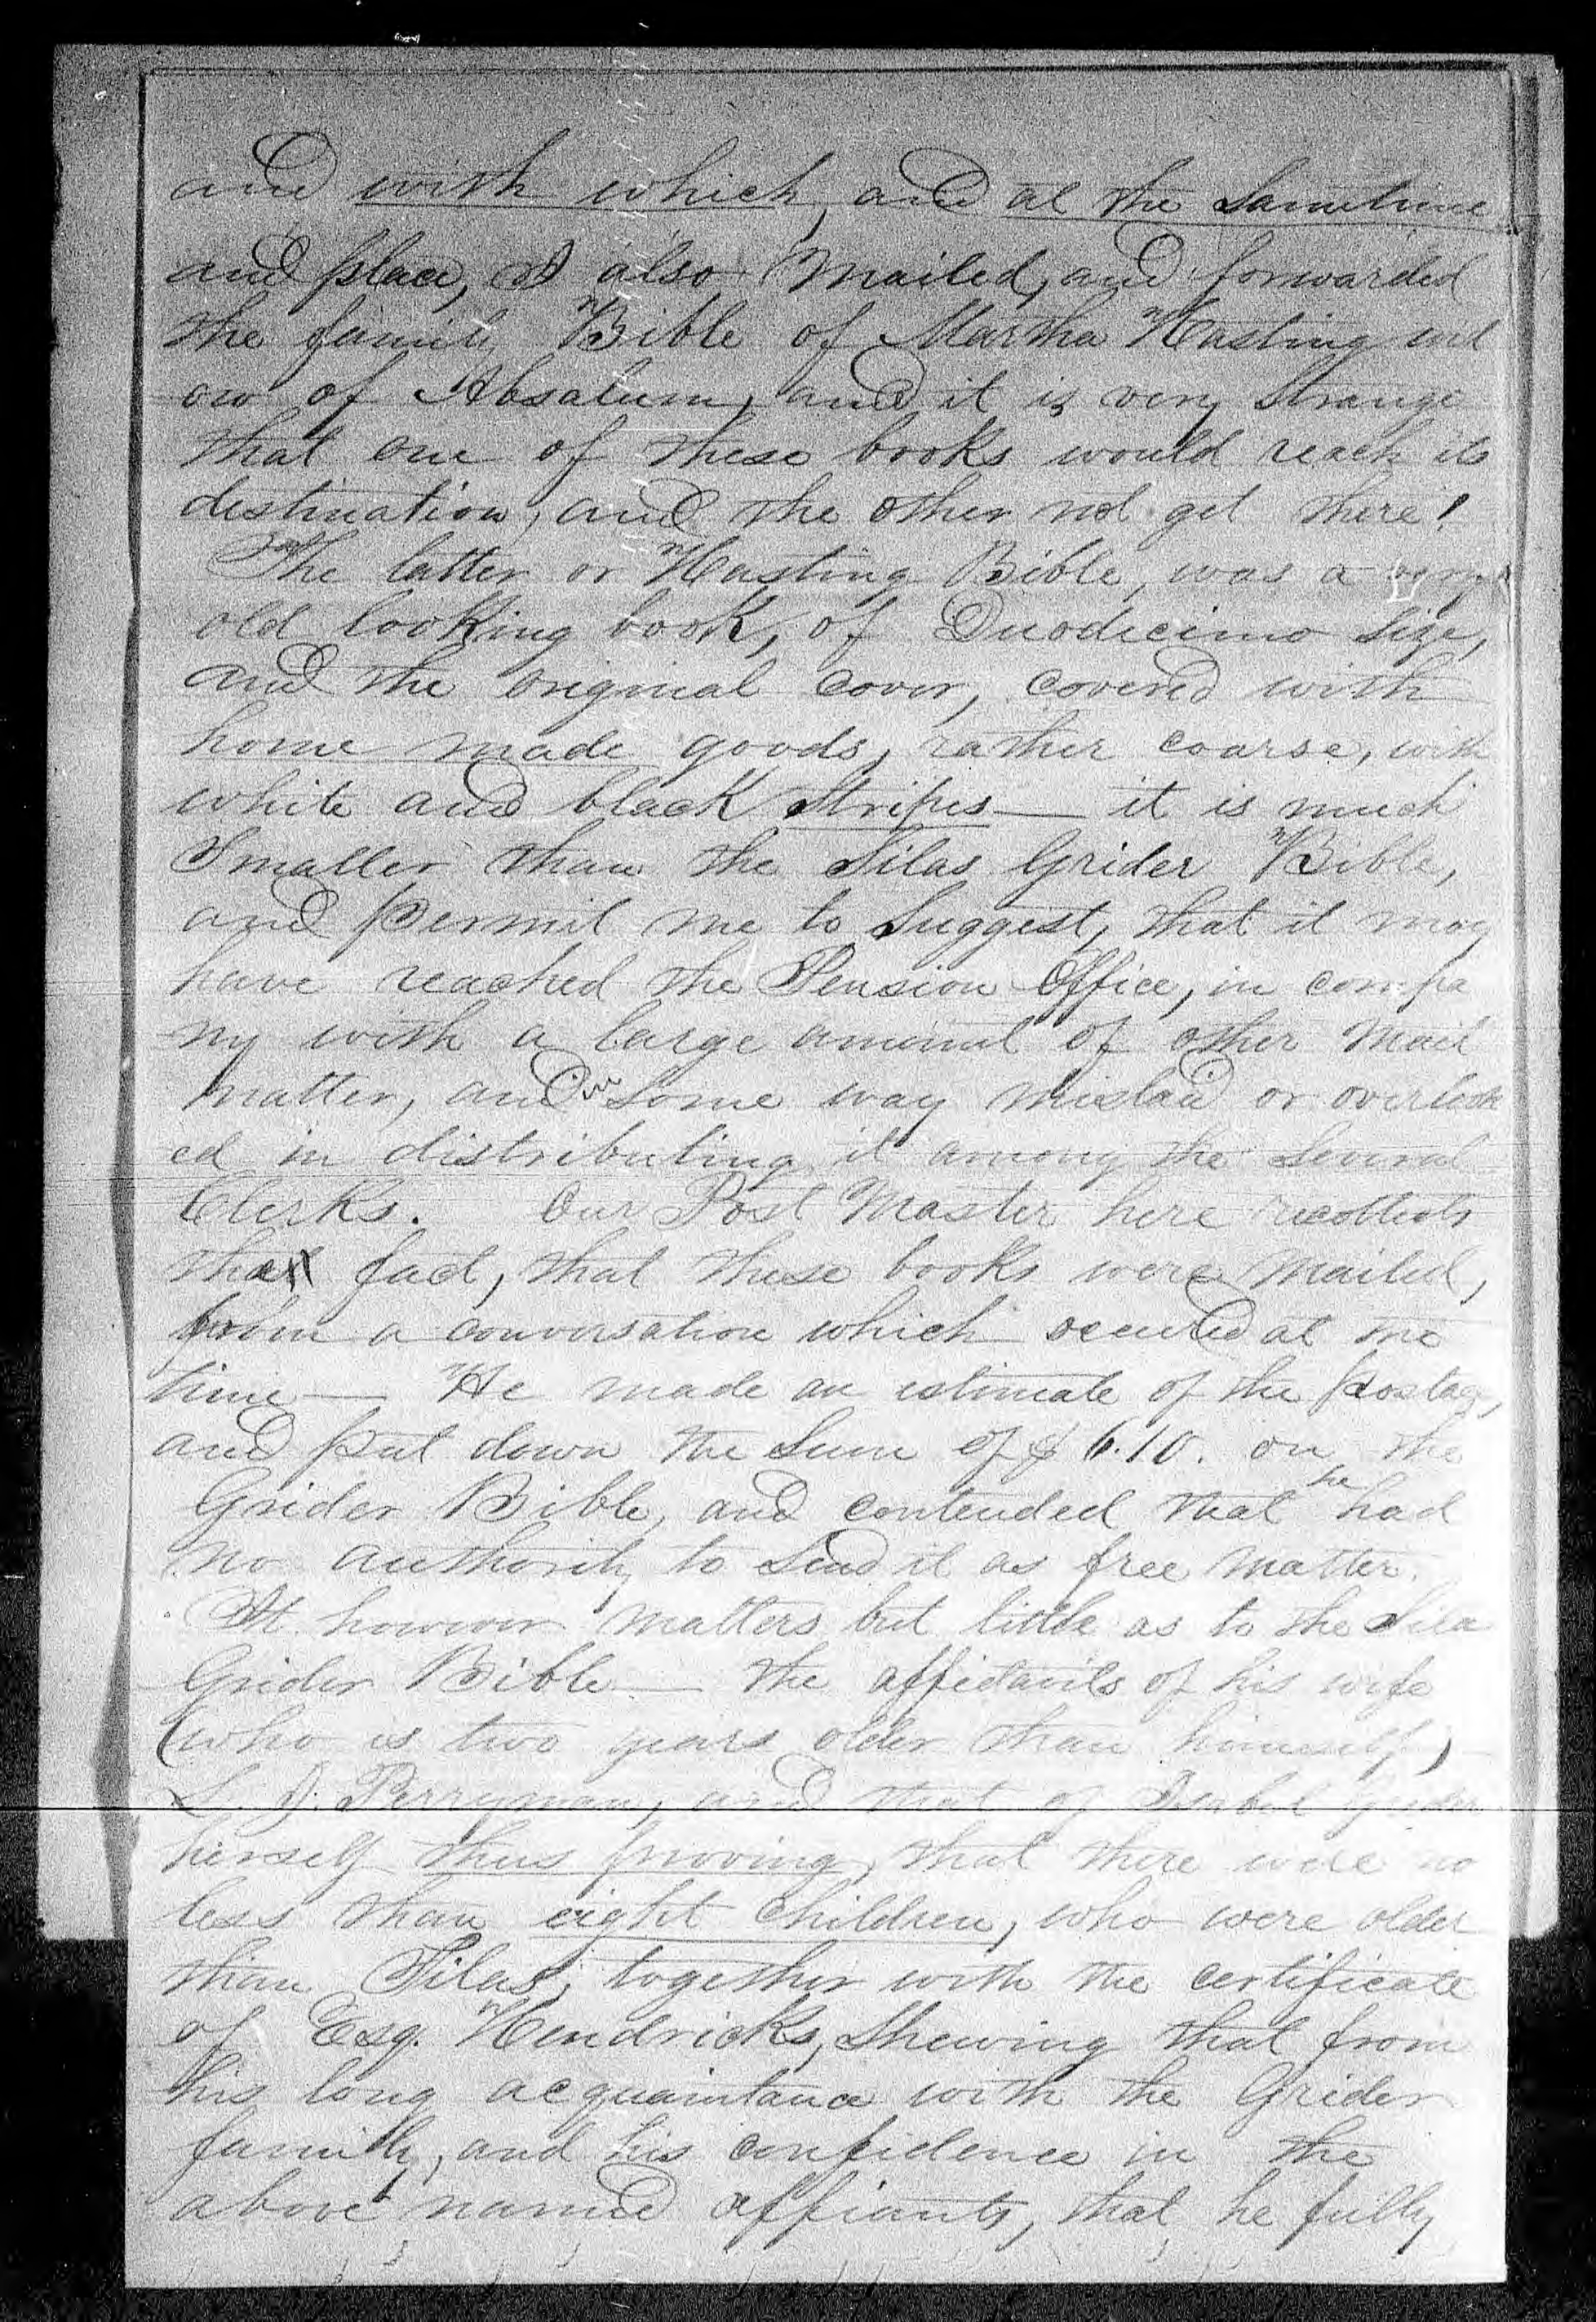and with which, and at the sametime and place, I also mailed, and forwarded the family Bible of Martha Hasting and [illegible] of Absalum , and it is very strange that one of these books would reach its destination, and the other not get there!  The letter or Hastings Bible, was a very old looking book of [illegible] size, and the original cover, covered with home made goods, rather coarse, with white and black stripes - it is much smaller than the Silas Grider Bible, and permit me to Suggest that it may have reached the Pension Office, in Company with a large amount of other mail matter, and in some was mislaid or overlooked in distributing it among the several clerks. Our Post Master here recollects that fact, that these books were mailed from a conversation which occurred at the time-  He made an estimate of the postage, and put down the Sum of $6.10 on the Grider Bible and contended that he had no authority to send it as free matter. It however matters but little as to the Silas Grider Bible-  The affidavits of his wife (who is two years older than himself) L. J. Perryman, and that of Isabel Grider hisself thus proving that there were no less than eight children, who were older than Silas, together with the certificate of Esq Hendricks, showing that from his long acquaintance with the Grider family, and his confidence in the above named affiants, that he fully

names: Silas Grider, Grider, Grider, Martha Hasting, Isabel Grider, L J Perryman, Hasting, Silas Grider, Absalum, Hendricks, Silas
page: 66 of 91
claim: widow's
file: W 358, John Grider, N.C.